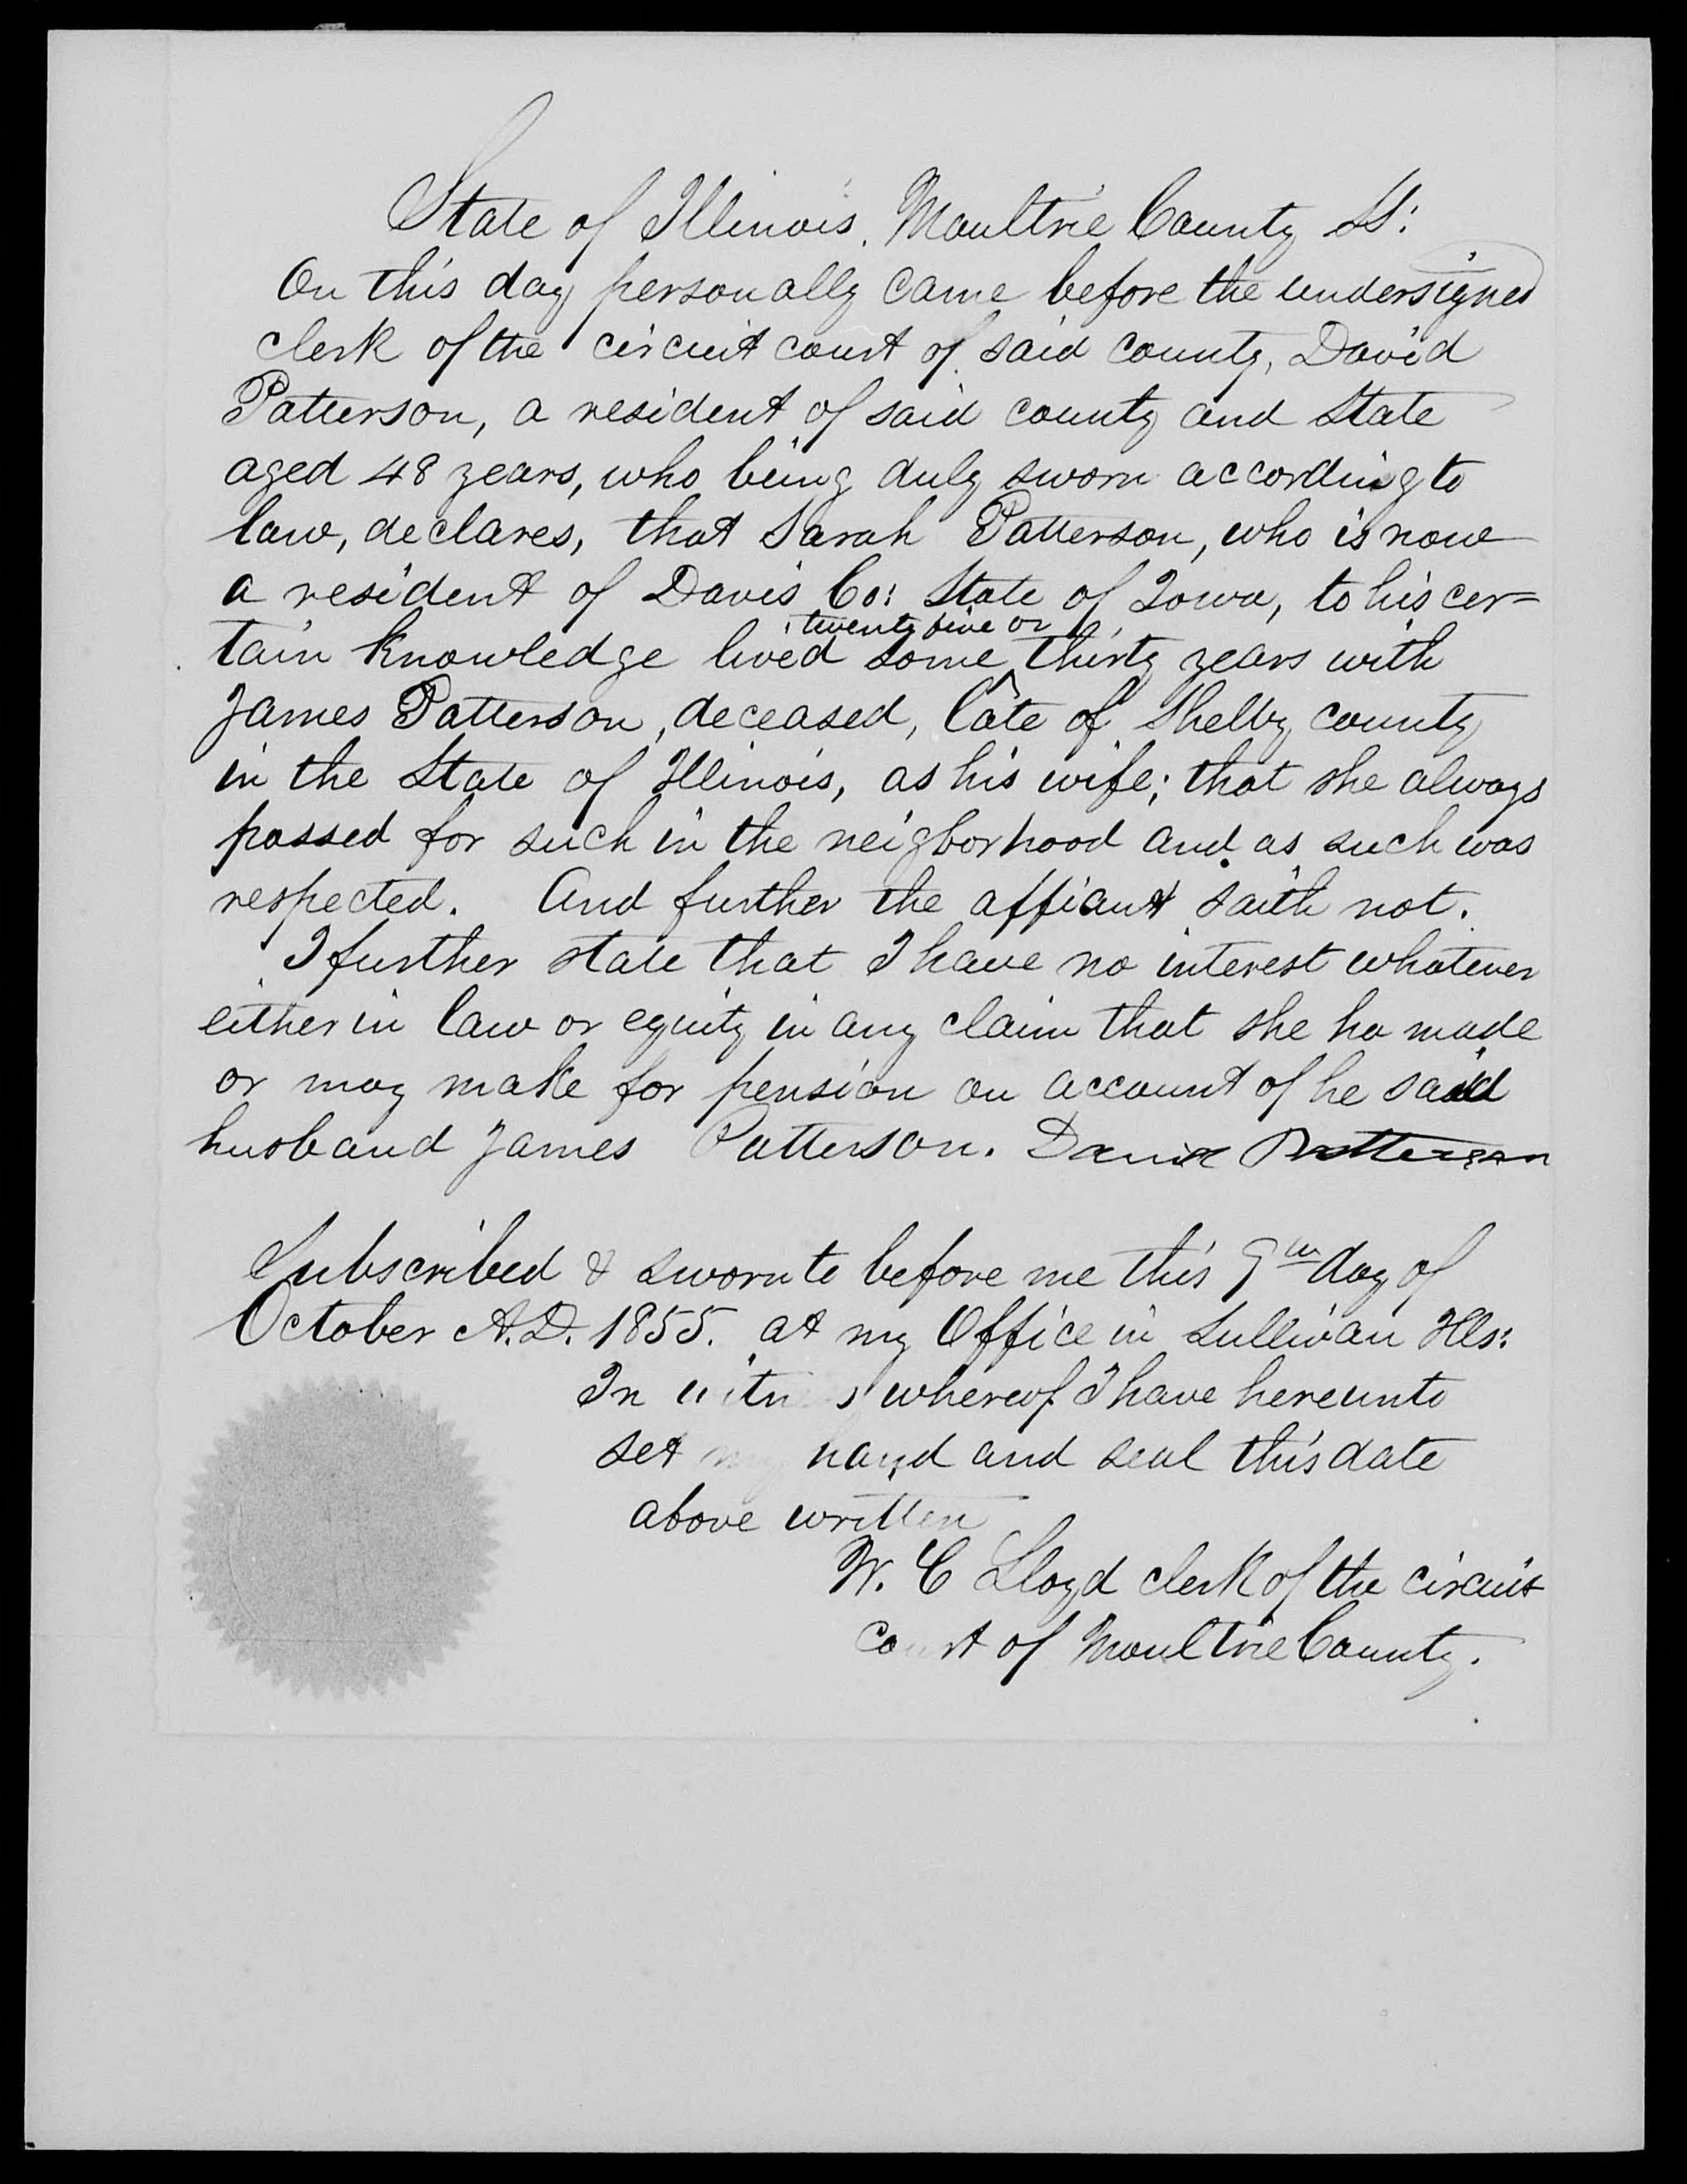State of Illinois Moultrie County SS:
On this day personally came before the undersigned Clerk of the circuit court of said County, David Patterson, a resident of said County and State aged 48 years, who being duly sworn according to law, declares, that Sarah Patterson, who is now a resident of Davis Co. State of Iowa, to his certain knowledge lived twenty five or some thirty years with James Patterson, deceased, late of Shelby, County in the State of Illinois, as his wife; that she always passed for such in the neigborhood and as such was respected. And further the affiant saith not.
I further state that I have no interest whatever either in law or equity in any claim that she has made or may make for pension on account of the said husband James Patterson. David Patterson

Subscribed & sworn to before me this 9th day of October A.D. 1855. at my Office in Sullivan Ill:
In witnes whereof I have hereunto set my hand and seal this date above written --- 
W. C. Lloyd Clerk of the Circuit Court of Moultrie County.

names: David Patterson; James Patterson; W C Lloyd; Sarah Patterson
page: 47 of 69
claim: widow's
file: W. 10861, for James Patterson, North Carolina